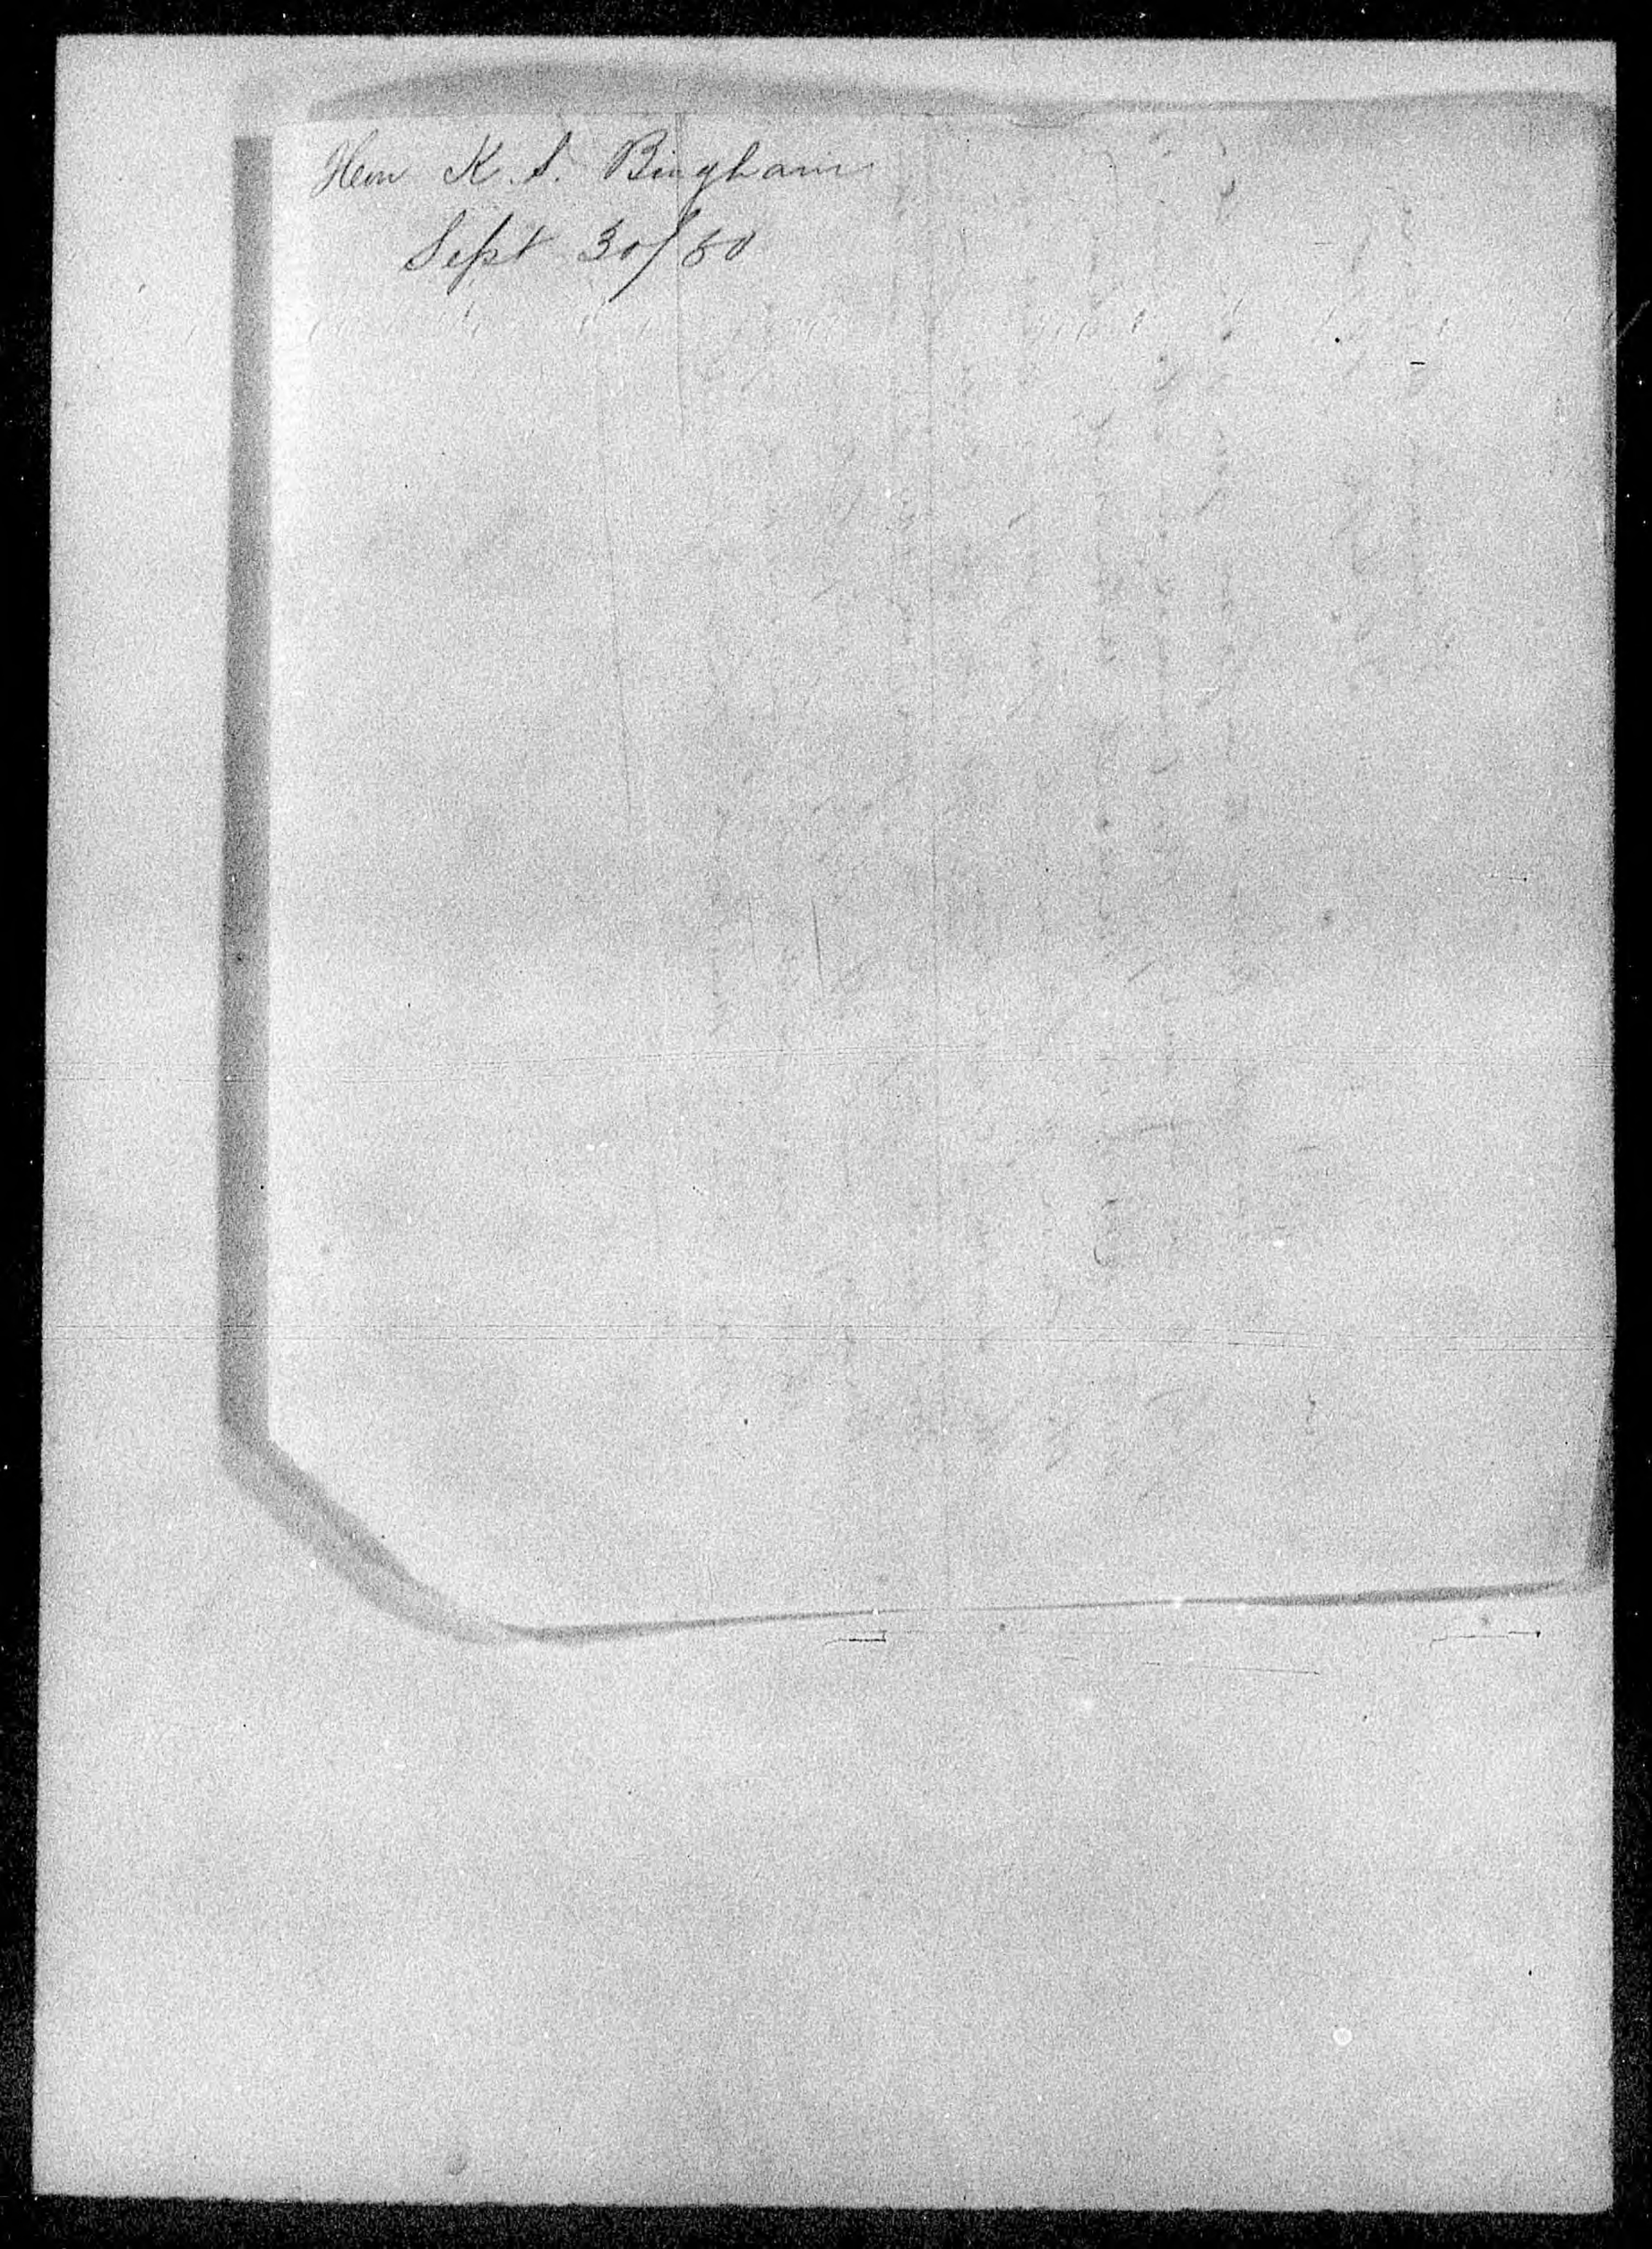Hon K.S. Bingham

Sept 3 of 80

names: K S Bingham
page: 34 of 66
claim: rejected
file: R. 4298, Samuel Gregory, New York